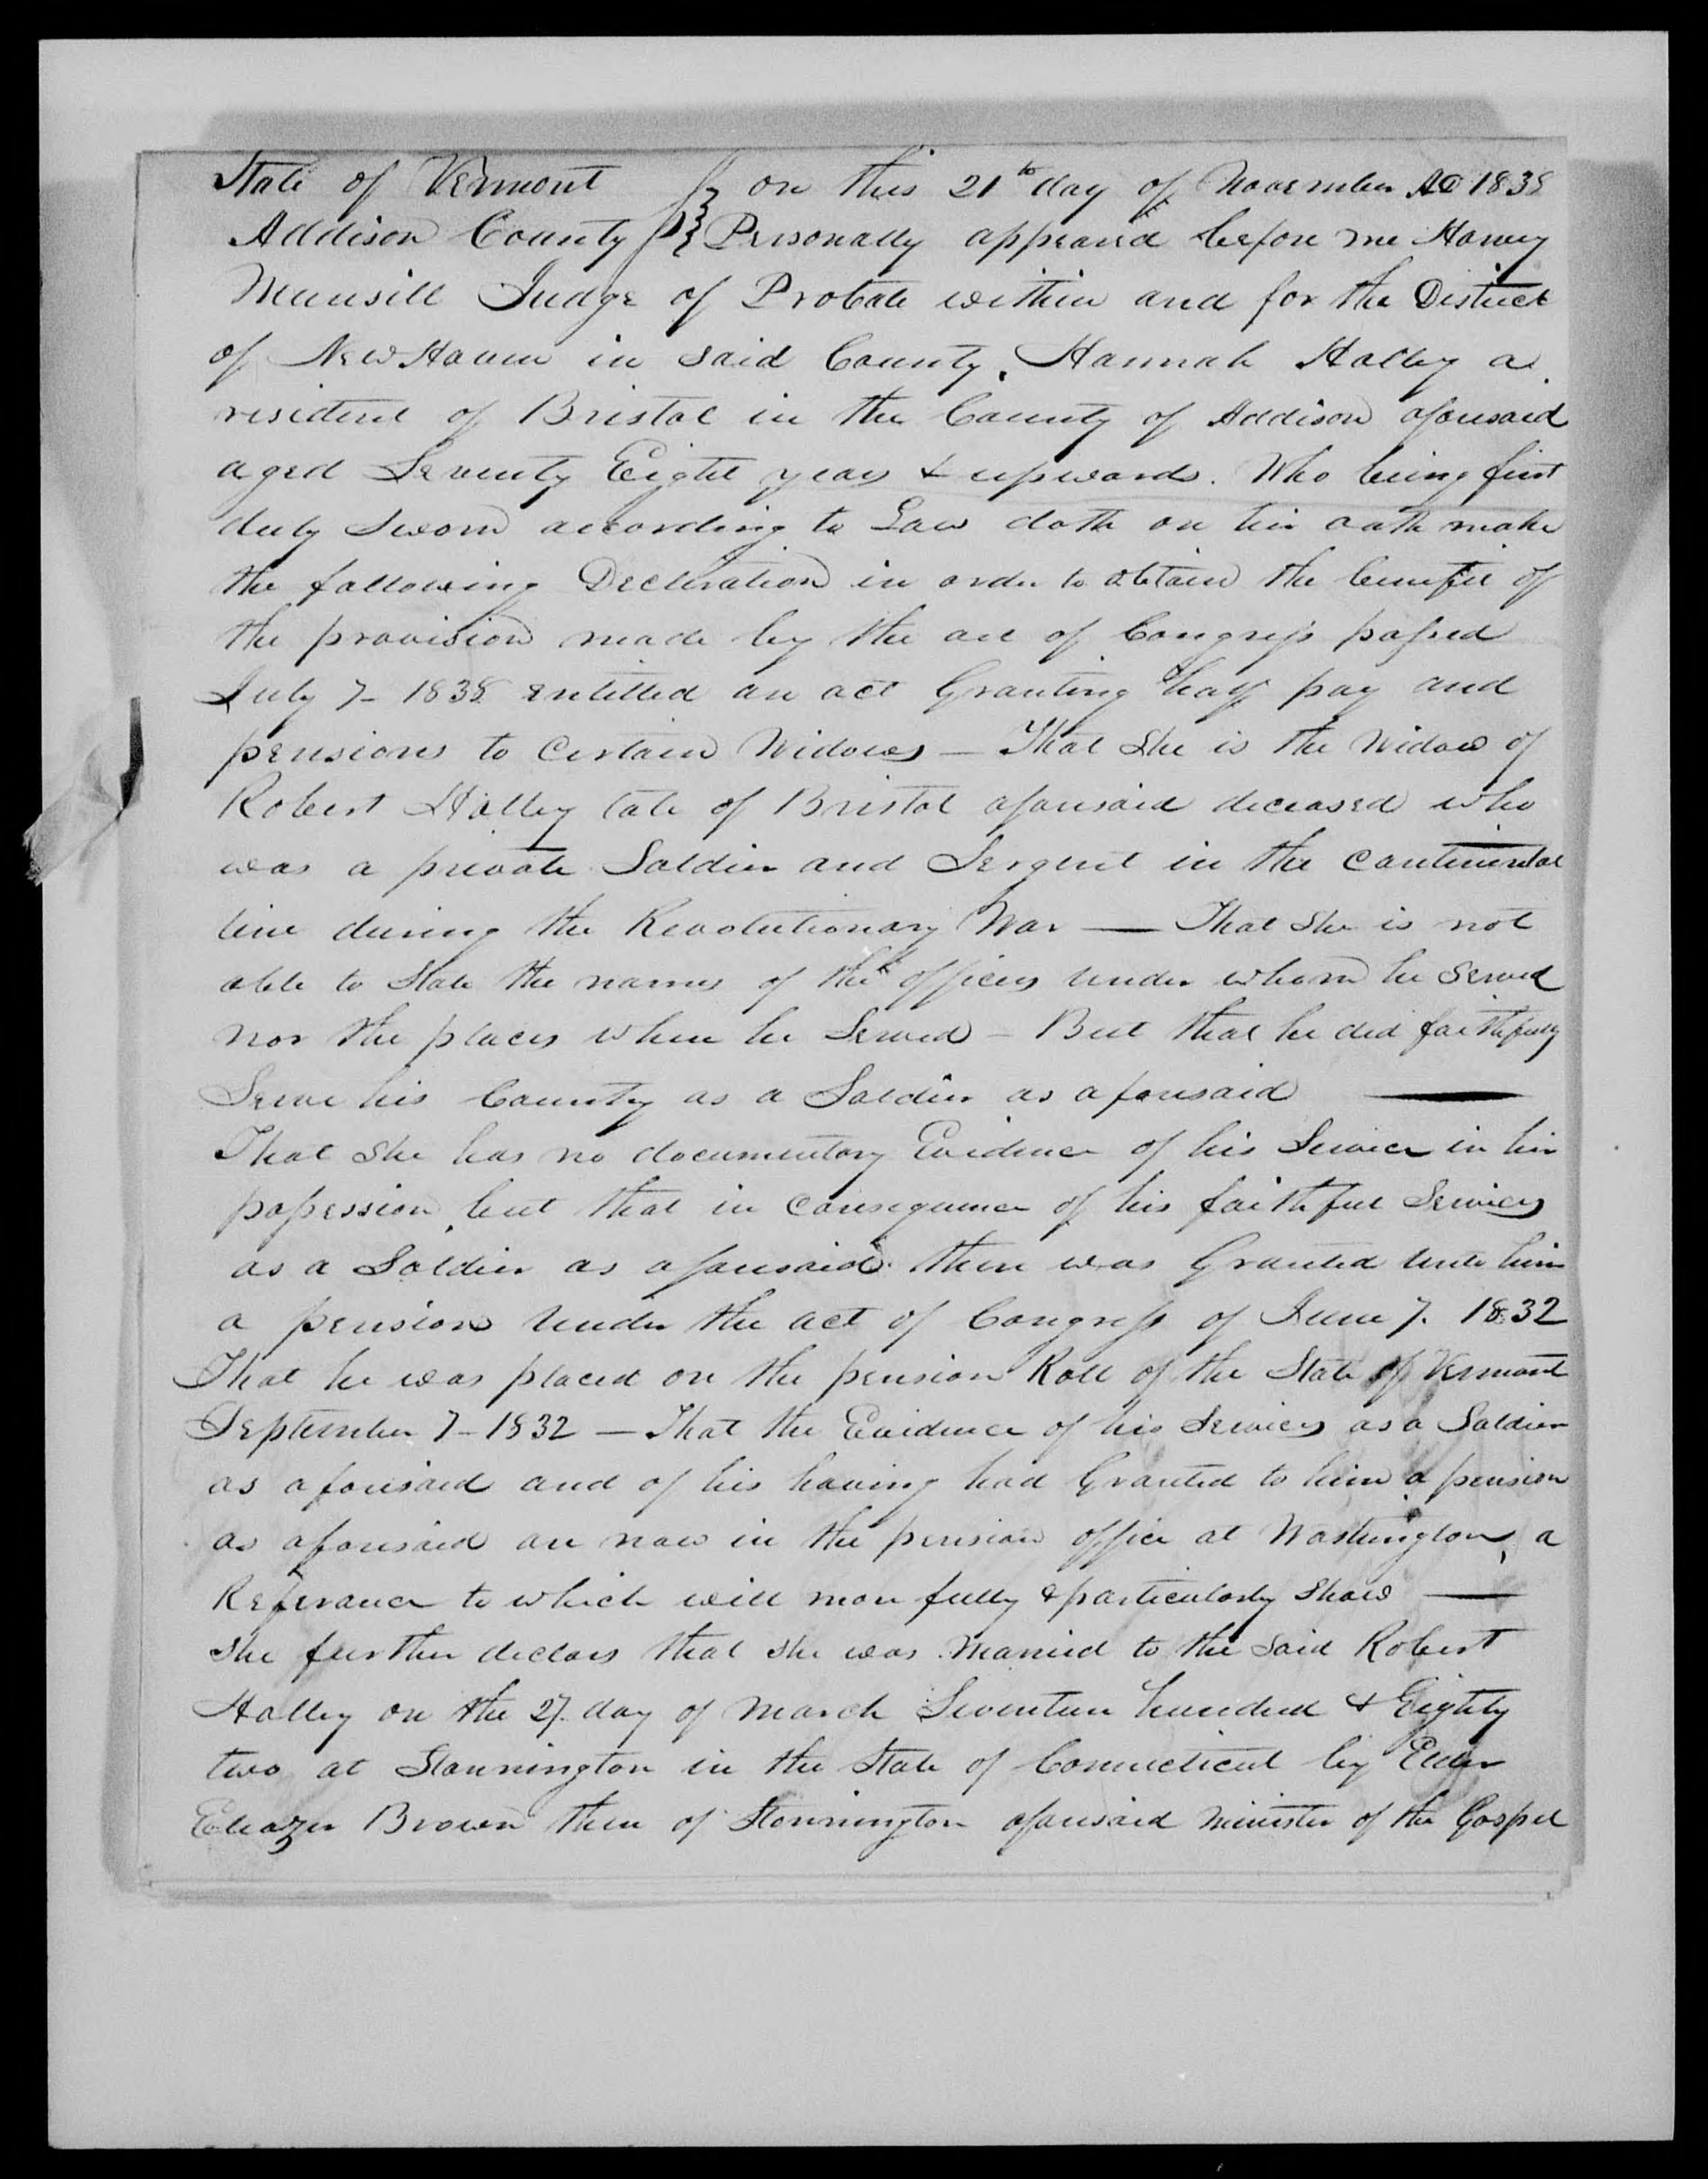Stateof Vermont
Addison County} 

On this 21st day of November AD 1838 personally appeared before me Harvey Munsill Judge of Probate within and for the District of New Haven in said County, Hannah Holley a resident of Bristol in the county of Addison aforesaid aged seventy eight years & upwards, who being first duly sworn according to law doth on her oath make the following declaration in order to obtain the benefit of the provision made by the act of Congress passed July 7, 1838 entitled an act granting half pay and pensions to certain widows. That she is the widow of Robert Holley late of Bristol aforesaid deceased who was a private soldier and sergeant in the continental line during the Revolutionary War. That she is not  able to state the names of the officers under whom he served nor the places where he served. But that he did faithfully serve his country as a soldier as aforesaid. That she has no documentary evidence of his service in her possession but that in consequence of his faithful services as a soldier as aforesaid there was granted unto him a pension under the act of Congress of June 7, 1832. That he was placed on the pension Roll of the State of Vermont September 7, 1832. That the evidence of his services as a soldier as aforesaid and of his having had granted to him a pension as aforesaid and now in the pension office at Washington, a reference to which will more fully & particularly shows. She further declares that she was married to the said Robert Holley on the 27 day of March seventeen hundred & eighty two at Stonnington in the State of Connecticut by Euler Eleazer Brown then of Stonnington aforesaid minister of the Gospel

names: Harvey Munsill, Euler Eleazer Brown, Hannah Halley, Robert Halley, Robert Halley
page: 8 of 62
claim: widow's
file: W. 21391, Robert Holley, Conn.